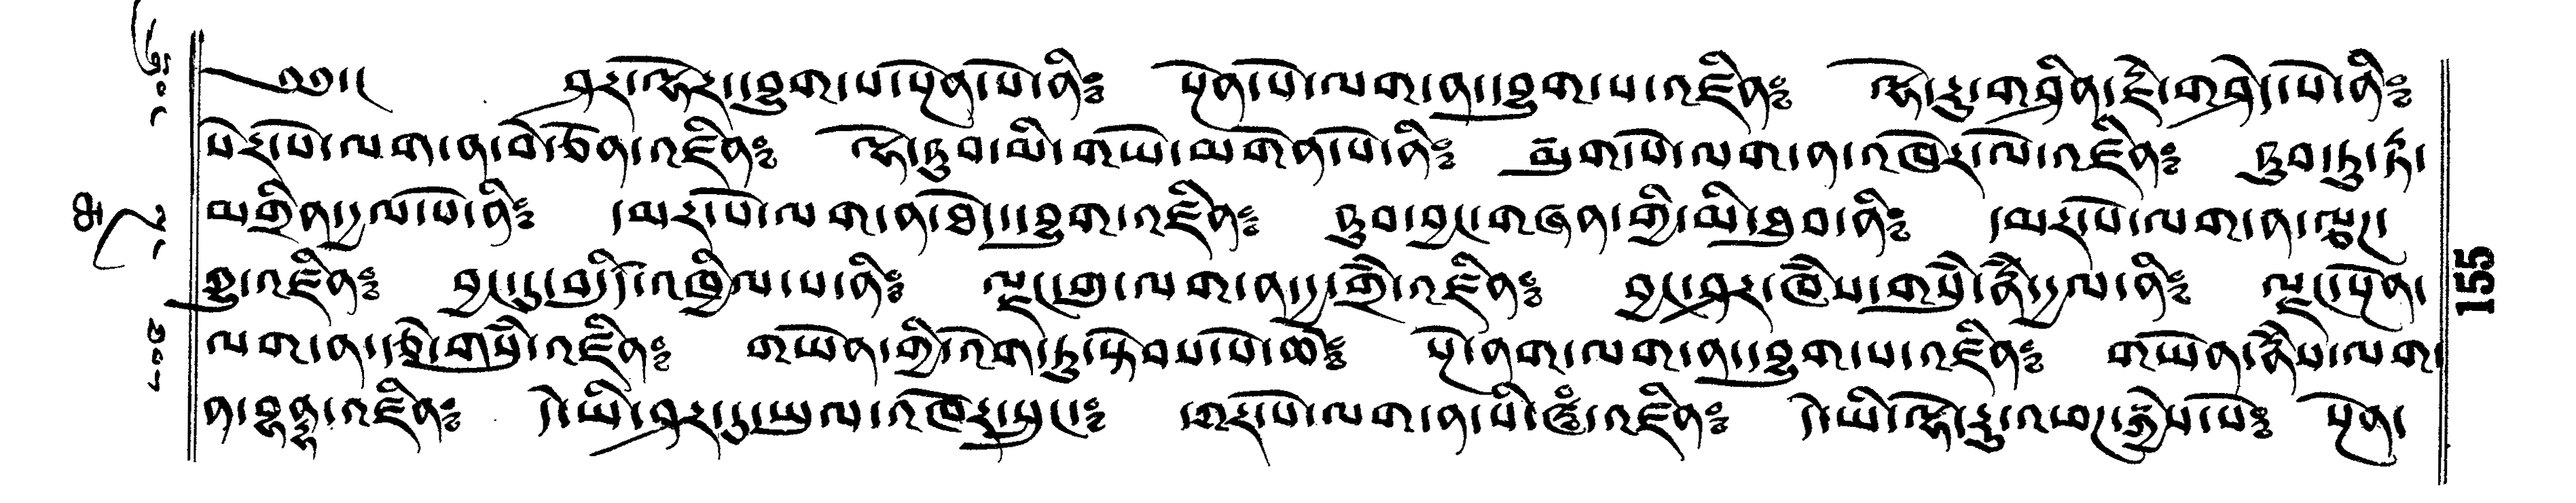ཤར་ལྷོར་དབྱུག་པ་སྔོན་པོ་ནི༔ སྔོན་པོ་ལག་ན་དབྱུག་པ་འཛིན༔ ལྷོ་རུ་གཤིན་རྗེ་གཤེད་པོ་ནི༔ 
སེར་པོ་ལག་ན་བེ་ཅོན་འཛིན༔ ལྷོ་ནུབ་མི་གཡོ་མགོན་པོ་ནི༔ སྨུག་པོ་ལག་ན་འཁོར་ལོ་འཛིན༔ ནུབ་ཏུ་རྟ་
མགྲིན་རྒྱལ་པོ་ནི༔ དམར་པོ་ལག་ན་ཐོད་དབྱུག་འཛིན༔ ནུབ་བྱང་གཞན་གྱི་མི་ཐུབ་ནི༔ དམར་པོ་ལག་ན་ལྕགས་
ཀྱུ་འཛིན༔ བྱང་དུ་བདུད་རྩི་འཁྱིལ་པ་ནི༔ ལྗང་གུ་ལག་ན་རྒྱ་གྲམ་འཛིན༔ བྱང་ཤར་ཁམས་གསུམ་རྣམ་རྒྱལ་ནི༔ ལྗང་སྔོན་
ལག་ན་རྩེ་གསུམ་འཛིན༔ གཡོན་གྱི་འོག་ཏུ་སྟོབས་པོ་ཆེ༔ སྔོ་ནག་ལག་ན་དབྱུག་པ་འཛིན༔ གཡོན་རྣམས་ལག་
ན་བྷནྡྷ་འཛིན༔ དེ་ཡི་ཤར་དུ་ཡུལ་འཁོར་སྲུང༔ དཀར་པོ་ལག་ན་པི་ཝཾ་འཛིན༔ དེ་ཡི་ལྷོ་རུ་འཕགས་སྐྱེས་པོ༔ སྔོན་